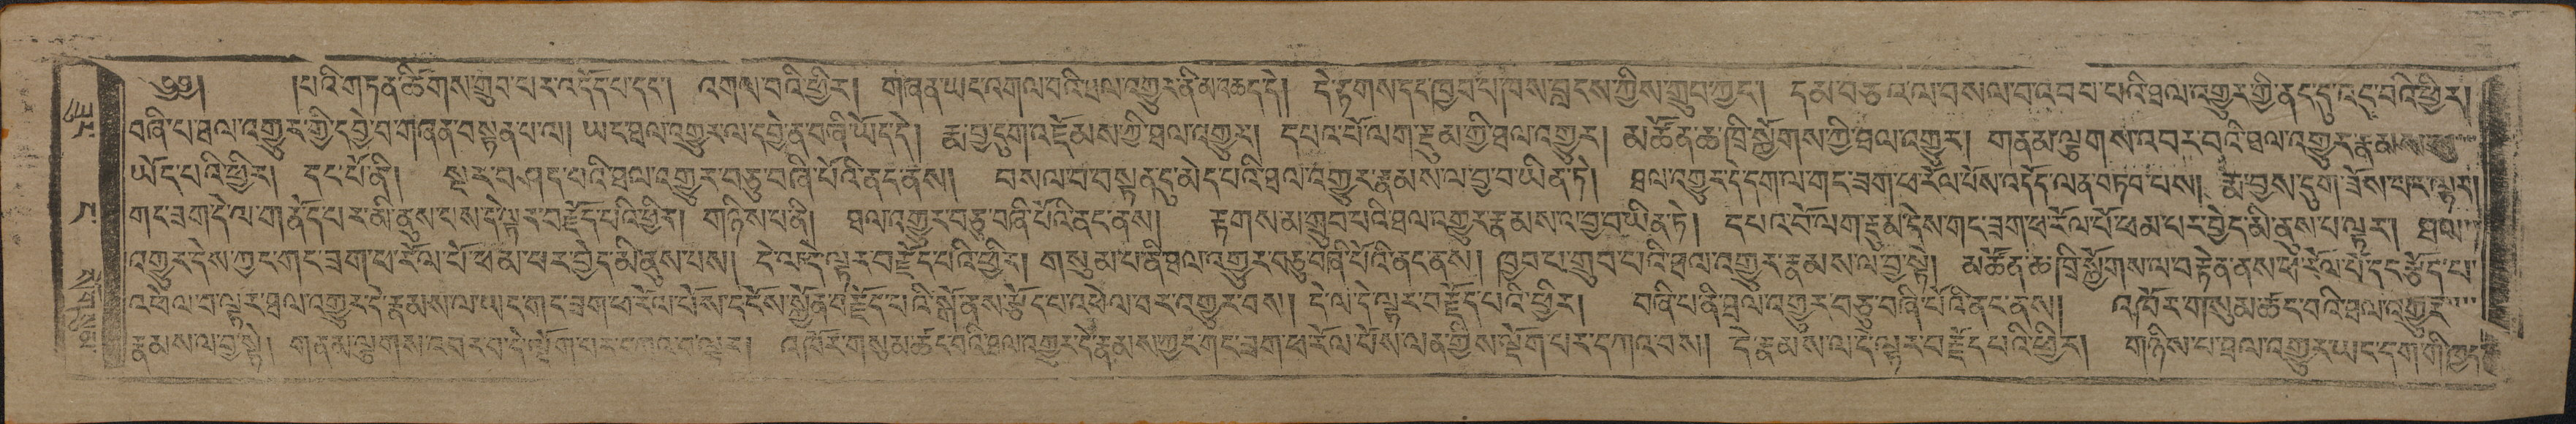༄༅། །པའི་གཏན་ཚིགས་གྲུབ་པར་འདོད་པ་དང་། འགལ་བའི་ཕྱིར། གཞན་ཡང་འགལ་བའི་ཐལ་འགྱུར་ནི་མ་འཆད་དེ། དེ་རྟགས་དང་ཁྱབ་པ་ཁས་བླངས་ཀྱིས་གྲུབ་ཀྱང་། དམ་བཅའ་ལ་བསལ་བ་འབབ་པའི་ཐལ་འགྱུར་གྱི་ནང་དུ་འདུ་བའི་ཕྱིར།
བཞི་པ་ཐལ་འགྱུར་གྱི་དབྱེ་བ་གཞན་བསྟན་པ་ལ། ཡང་ཐལ་འགྱུར་ལ་དབྱེ་ན་བཞི་ཡོད་དེ། རྨ་བྱ་དུག་འཇོམས་ཀྱི་ཐལ་འགྱུར། དཔའ་པོ་ལག་རྡུམ་གྱི་ཐལ་འགྱུར། མཚོན་ཆ་ཁྲི་སྐྱོགས་ཀྱི་ཐལ་འགྱུར། གནམ་ལྕགས་འབར་བའི་ཐལ་འགྱུར་རྣམས་སུ་
ཡོད་པའི་ཕྱིར། དང་པོ་ནི། སྔར་བཤད་པའི་ཐལ་འགྱུར་བཅུ་བཞི་པོའི་ནང་ནས། བསལ་བ་བསྟན་དུ་མེད་པའི་ཐལ་འགྱུར་རྣམས་ལ་བྱ་བ་ཡིན་ཏེ། ཐལ་འགྱུར་དེ་དག་ལ་གང་ཟག་ཕ་རོལ་པོས་འདོད་ལན་བཏབ་པས། རྨ་བྱས་དུག་ཟོས་པར་ལྟར།
གང་ཟག་དེ་ལ་གནོད་པར་མི་ནུས་པས་དེ་ལྟར་བརྗོད་པའི་ཕྱིར། གཉིས་པ་ནི། ཐལ་འགྱུར་བཅུ་བཞི་པོའི་ནང་ནས། རྟགས་མ་གྲུབ་པའི་ཐལ་འགྱུར་རྣམས་ལ་བྱ་བ་ཡིན་ཏེ། དཔའ་བོ་ལག་རྡུམ་དེས་གང་ཟག་ཕ་རོལ་པོ་ཕམ་པར་བྱེད་མི་ནུས་པ་ལྟར། ཐལ་
འགྱུར་དེས་ཀྱང་གང་ཟག་ཕ་རོལ་པོ་ཕམ་པར་བྱེད་མི་ནུས་པས། དེ་ལ་དེ་ལྟར་བརྗོད་པའི་ཕྱིར། གསུམ་པ་ནི་ཐལ་འགྱུར་བཅུ་བཞི་པོའི་ནང་ནས། ཁྱབ་པ་གྲུབ་པའི་ཐལ་འགྱུར་རྣམས་ལ་བྱ་སྟེ། མཚོན་ཆ་ཁྲི་སྐྱོགས་ལ་བརྟེན་ནས་ཕ་རོལ་པོ་དང་རྩོད་པ་
འཕེལ་བ་ལྟར་ཐལ་འགྱུར་དེ་རྣམས་ལ་ཡང་གང་ཟག་ཕ་རོལ་པོས་དངོས་སྐྱོན་བརྗོད་པའི་སྒོ་ནས་རྩོད་པ་འཕེལ་བར་འགྱུར་བས། དེ་ལ་དེ་ལྟར་བརྗོད་པའི་ཕྱིར། བཞི་པ་ནི་ཐལ་འགྱུར་བཅུ་བཞི་པོའི་ནང་ནས། འཁོར་གསུམ་ཚང་བའི་ཐལ་འགྱུར་
རྣམས་ལ་བྱ་སྟེ། གནམ་ལྕགས་འབར་བ་དེ་ལྡོག་པར་དཀའ་བ་ལྟར། འཁོར་གསུམ་ཚང་བའི་ཐལ་འགྱུར་དེ་རྣམས་ཀྱང་གང་ཟག་ཕ་རོལ་པོས་ལན་གྱིས་ལྡོག་པར་དཀའ་བས། དེ་རྣམས་ལ་དེ་ལྟར་བརྗོད་པའི་ཕྱིར། གཉིས་པ་ཐལ་འགྱུར་ཡང་དག་གི་ཁྱད་